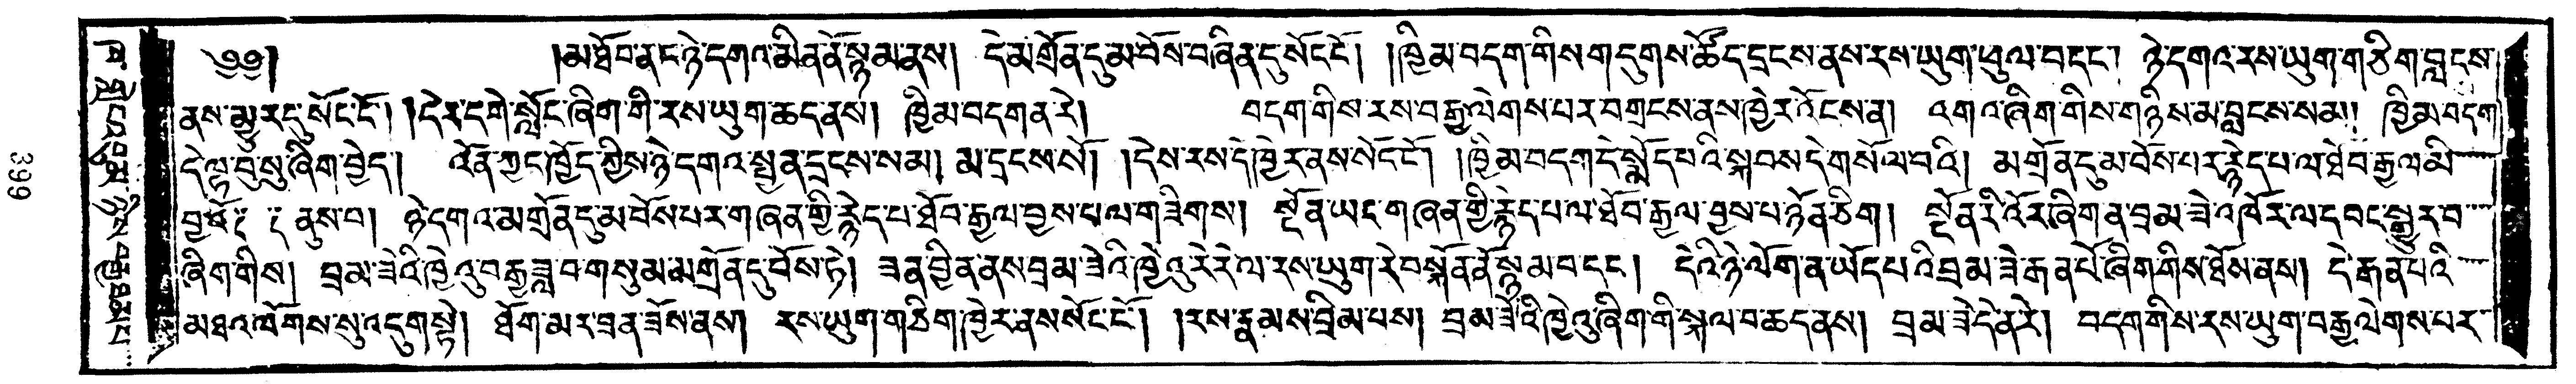༄༅། །མ་ཐོབ་ནང་ཉེ་དགའ་མིན་ནོ་སྙམ་ནས། དེ་མགྲོན་དུ་མ་བོས་བཞིན་དུ་སོང་ངོ། །ཁྱིམ་བདག་གིས་གདུགས་ཚོད་དྲངས་ནས་རས་ཡུག་ཕུལ་བ་དང་། ཉེ་དགའ་རས་ཡུག་གཅིག་བླངས་
ནས་མྱུར་དུ་སོང་ངོ། །དེར་དགེ་སློང་ཞིག་གི་རས་ཡུག་ཆད་ནས། ཁྱིམ་བདག་ན་རེ། བདག་གིས་རས་བརྒྱ་ལེགས་པར་བགྲངས་ནས་ཁྱེར་འོངས་ན། འགའ་ཞིག་གིས་གཉིས་མ་བླངས་སམ། ཁྱིམ་བདག་
དེ་ལྟ་བུ་སུ་ཞིག་བྱེད། འོན་ཀྱང་ཁྱོད་ཀྱིས་ཉེ་དགའ་སྤྱན་དྲངས་སམ། མ་དྲངས་སོ། །དེས་རས་དེ་ཁྱེར་ནས་སོང་ངོ། །ཁྱིམ་བདག་དེ་སྨོད་པའི་སྐབས་དེ་གསོལ་བའི། མགྲོན་དུ་མ་བོས་པར་རྙེད་པ་ལ་ཐོབ་རྒྱལ་མི་
བྱའོ༑ ༑ནུས་པ། ཉེ་དགའ་མགྲོན་དུ་མ་བོས་པར་གཞན་གྱི་རྙེད་པ་ཐོབ་རྒྱལ་བྱས་པ་ལ་གཟིགས། སྔོན་ཡང་གཞན་གྱི་རྙེད་པ་ལ་ཐོབ་རྒྱལ་བྱས་པ་ཉོན་ཅིག། སྔོན་རི་འོར་ཞིག་ན་བྲམ་ཟེ་འཁོར་ལ་དབང་སྒྱུར་བ་
ཞིག་གིས། བྲམ་ཟེའི་ཁྱེའུ་བརྒྱ་ཟླ་བ་གསུམ་མགྲོན་དུ་བོས་ཏེ། ཟན་བྱིན་ནས་བྲམ་ཟེའི་ཁྱེའུ་རེ་རེ་ལ་རས་ཡུག་རེ་བསྐོན་ནོ་སྙམ་བ་དང་། དེའི་ཉེ་ལོག་ན་ཡོད་པའི་བྲམ་ཟེ་རྒན་པོ་ཞིག་གིས་ཐོས་ནས། དེ་རྒན་པའི་
མཐའ་ལོགས་སུ་འདུག་སྟེ། ཐོག་མར་བྲན་ཟོས་ནས། རས་ཡུག་གཅིག་ཁྱེར་ནས་སོང་ངོ། །རས་རྣམས་བྲིམ་པས། བྲམ་ཟེའི་ཁྱེའུ་ཞིག་གི་སྐལ་བ་ཆད་ནས། བྲམ་ཟེ་དེ་ན་རེ། བདག་གིས་རས་ཡུག་བརྒྱ་ལེགས་པར་